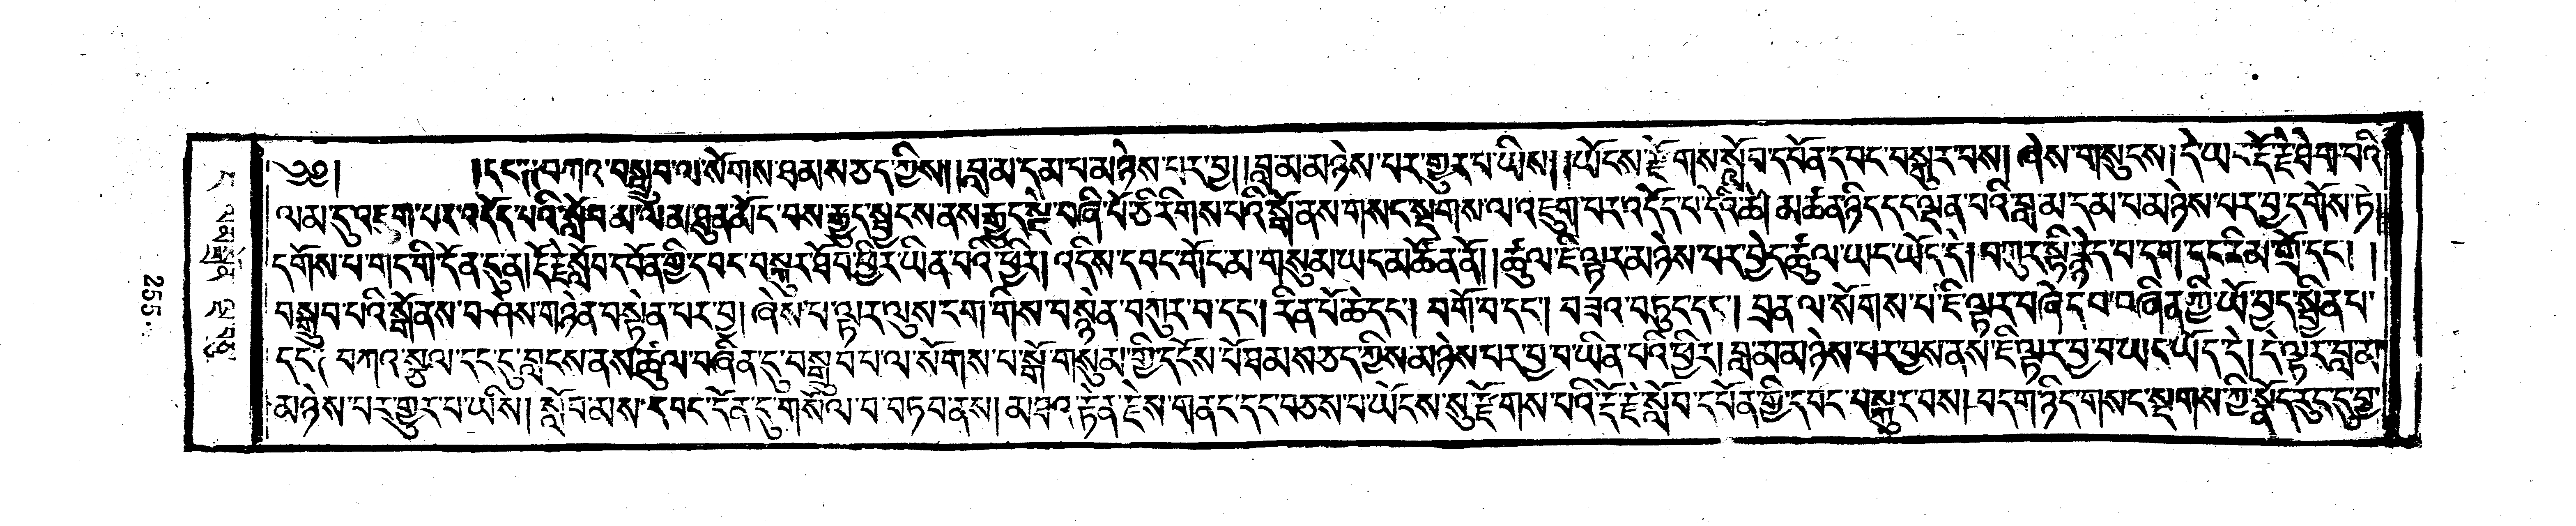༄༅། །དང༑ ༑བཀའ་བསྒྲུབ་ལ་སོགས་ཐམས་ཅད་ཀྱིས། །བླ་མ་དམ་པ་མཉེས་པར་བྱ། །བླ་མ་མཉེས་པར་གྱུར་པ་ཡིས། །ཡོངས་རྫོགས་སློབ་དཔོན་དབང་བསྐུར་བས། ཞེས་གསུངས། དེ་ཡང་རྡོ་རྗེ་ཐེག་པའི་
ལམ་དུ་འཇུག་པར་འདོད་པའི་སློབ་མ་ལ་མཐུན་མོང་བས་རྒྱུད་སྦྱངས་ནས་རྒྱུད་སྡེ་བཞི་པོ་ཅི་རིགས་པའི་སྒོ་ནས་གསང་སྔགས་ལ་འཇུག་པར་འདོད་པ་དེའི་ཚེ། མཚན་ཉིད་དང་ལྡན་པའི་བླ་མ་དམ་པ་མཉེས་པར་བྱ་དགོས་ཏེ།
དགོས་པ་གང་གི་དོན་དུ་ན། རྡོ་རྗེ་སློབ་དཔོན་གྱི་དབང་བསྐུར་ཐོབ་ཕྱིར་ཡིན་པའི་ཕྱིར། འདིས་དབང་གོང་མ་གསུམ་ཡང་མཚོན་ནོ། །ཚུལ་ཇི་ལྟར་མཉེས་པར་བྱེད་ཚུལ་ཡང་ཡོད་དེ། བཀུར་སྟི་རྙེད་པ་དག་དང་རིམ་གྲོ་དང་། །
བསྒྲུབ་པའི་སྒོ་ནས་བཤེས་གཉེན་བསྟེན་པར་བྱ། ཞེས་པ་ལྟར་ལུས་ངག་གིས་བསྙེན་བཀུར་བ་དང་། རིན་པོ་ཆེ་དང་། བགོ་བ་དང་། བཟའ་བཏུང་དང་། བྲན་ལ་སོགས་པ་ཇི་ལྟར་བཞེད་པ་བཞིན་གྱི་ཡོ་བྱད་སྦྱིན་པ་
དང༑ བཀའ་སྩལ་དང་དུ་བླངས་ནས་ཚུལ་བཞིན་དུ་བསྒྲུབ་པ་ལ་སོགས་པ་སྒོ་གསུམ་གྱི་དངོས་པོ་ཐམས་ཅད་ཀྱིས་མཉེས་པར་བྱ་བ་ཡིན་པའི་ཕྱིར། བླ་མ་མཉེས་པར་བྱས་ནས་ཇི་ལྟར་བྱ་བ་ཡང་ཡོད་དེ། དེ་ལྟར་བླ་མ་
མཉེས་པར་གྱུར་པ་ཡིས། སློབ་མས་དབང་དོན་དུ་གསོལ་བ་བཏབ་ནས། མཐའ་རྟེན་རྗེས་གནང་དང་བཅས་པ་ཡོངས་སུ་རྫོགས་པའི་རྡོ་རྗེ་སློབ་དཔོན་གྱི་དབང་བསྐུར་བས། བདག་ཉིད་གསང་སྔགས་ཀྱི་སྣོད་རུང་དུ་བྱ་